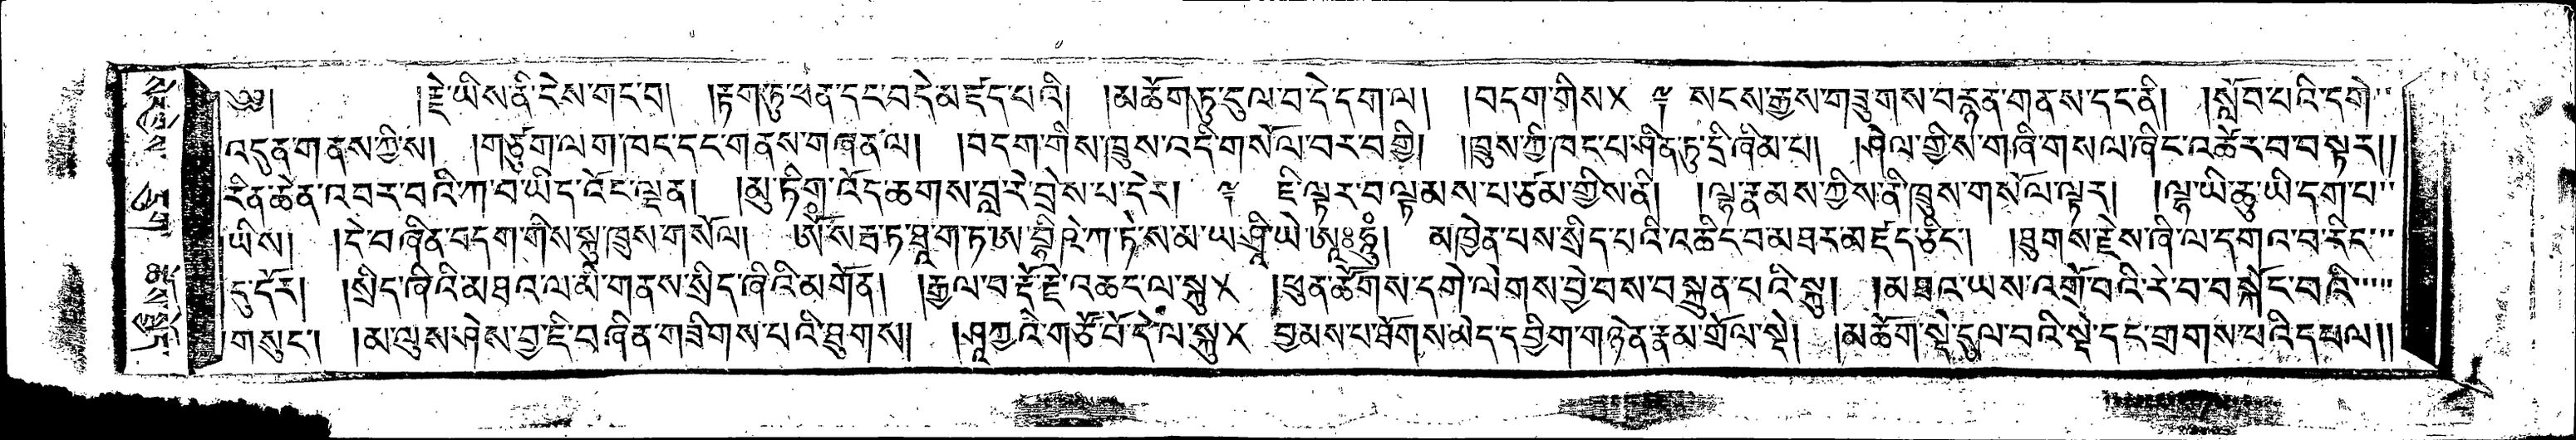༄༅། །རྗེ་ཡིས་ནི་ངེས་གང་བ། །རྟག་ཏུ་ཕན་དང་བདེ་མཛད་པའི། །མཆོག་ཏུ་དུལ་བ་དེ་དག་ལ། །བདག་གིས་{྾}་༈ སངས་རྒྱས་གཟུགས་བརྙན་གནས་དང་ནི། །སློབ་པའི་དགེ་
འདུན་གནས་ཀྱི་ས། །གཙུག་ལག་ཁང་དང་གནས་གཞན་ལ། །བདག་གིས་ཁྲུས་འདི་གསོལ་བར་བགྱི། །ཁྲུས་ཀྱི་ཁང་པ་ཤིན་ཏུ་དྲི་ཞིམ་པ། །ཤེལ་གྱི་ས་གཞི་གསལ་ཞིང་འཚེར་བ་བསྟར།།
རིན་ཆེན་འབར་བའི་ཀ་བ་ཡིད་འོང་ལྡན། །མུ་ཏིག་འོད་ཆགས་བླ་རེ་བྲེས་པ་དེར། ༈ ཇི་ལྟར་བལྟམས་པ་ཙམ་གྱིས་ནི། །ལྷ་རྣམས་ཀྱིས་ནི་ཁྲུས་གསོལ་ལྟར། །ལྷ་ཡི་ཆུ་ཡི་དག་པ་
ཡིས། །དེ་བཞིན་བདག་གིས་སྐུ་ཁྲུས་གསོལ། ཨོཾ་སརྦ་ཏ་ཐཱ་ག་ཏ་ཨ་བྷི་ཥེ་ཀ་ཏེ་ས་མ་ཡ་ཤྲཱི་ཡེ་ཨཱཿ ཧཱུཾ། མཁྱེན་པས་སྲིད་པའི་འཆིང་བ་མཐར་མཛད་ཅིང་། །ཐུགས་རྗེས་ཞི་ལ་དགའ་བ་རིང་
དུ་དོར། །སྲིད་ཞིའི་མཐའ་ལ་མི་གནས་སྲིད་ཞིའི་མགོན། །རྒྱལ་བ་རྡོ་རྗེ་འཆང་ལ་སྐུ་{྾}་།ཕུན་ཚོགས་དགེ་ལེགས་བྱེ་བས་བསྐྲུན་པའི་སྐུ། །མཐའ་ཡས་འགྲོ་བའི་རེ་བ་བསྐོང་བའི་
གསུང་། །མ་ལུས་ཤེས་བྱ་ཇི་བཞིན་གཟིགས་པའི་ཐུགས། །ཤཱ་ཀྱའི་གཙོ་བོ་དེ་ལ་སྐུ་{྾}་བྱམས་པ་ཐོགས་མེད་དབྱིག་གཉེན་རྣམ་གྲོལ་སྡེ། །མཆོག་སྡེ་དུལ་བའི་སྡེ་དང་གྲགས་པའི་དཔལ། །